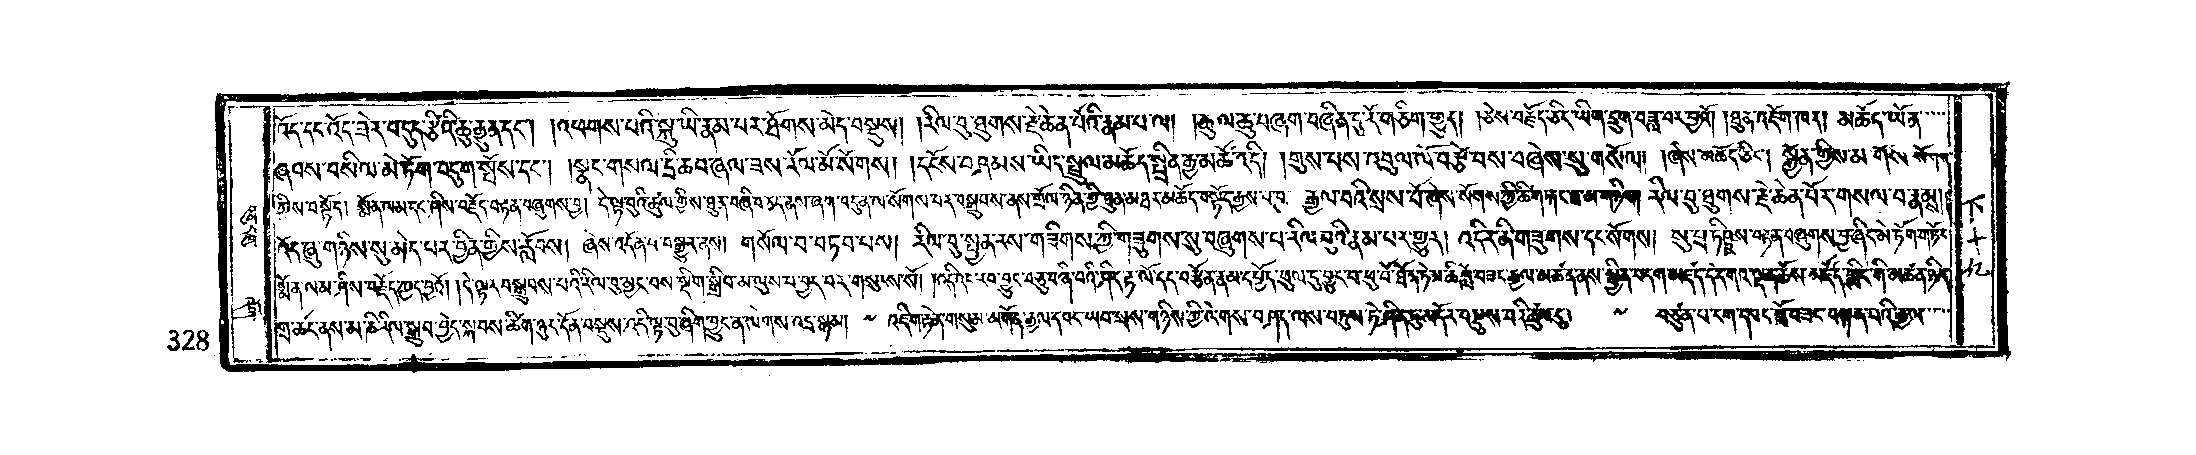འོད་དང་འོད་ཟེར་བདུད་རྩིའི་ཆུ་རྒྱུན་དང་། །འཕགས་པའི་སྐུ་ཡི་རྣམ་པར་ཐོགས་མེད་བསྡུས། །རིལ་བུ་ཐུགས་རྗེ་ཆེན་པོའི་རྣམ་པ་ལ། །ཆུལ་ཆུ་བཞག་བཞིན་དུ་རོ་གཅིག་གྱུར། །ཅེས་བརྗོད་ཅིང་ཡིག་དྲུག་བཟླ་བར་བྱའོ། །ཐུན་འཇོག་ཁར། མཆོད་ཡོན་
ཞབས་བསིལ་མེ་ཏོག་བདུག་སྤོས་དང་། །སྣང་གསལ་དྲི་ཆབ་ཞལ་ཟས་རོལ་མོ་སོགས། །དངོས་བཤམས་ཡིད་སྤྲུལ་མཆོད་སྤྲིན་རྒྱ་མཚོ་འདི། །གུས་པས་འབུལ་ལོ་བརྩེ་བས་བཞེས་སུ་གསོལ། །ཞེས་མཆོད་ཅིང་། སྐྱོན་གྱིས་མ་གོས་སོགས་
ཀྱིས་བསྟོད། སྨོན་ལམ་དང་ཤིས་བརྗོད་བརྟན་བཞུགས་བྱ། དེ་ལྟ་བུའི་ཚུལ་གྱིས་ཐུན་བཞི་བཅད་ནས་ཞག་བདུན་ལ་སོགས་པར་བསྒྲུབས་ནས་གྲོལ་ཉིན་གྱི་ཐུན་མཐར་མཆོད་བསྟོད་རྒྱས་པ་བྱ་རྒྱལ་བའི་སྲས་པོ་ཞེས་སོགས་ཀྱི་ཚིག་རྐང་ཐ་མ་གཉིས། རིལ་བུ་ཐུགས་རྗེ་ཆེན་པོར་གསལ་བ་རྣམས།
འོད་ཞུ་གཉིས་སུ་མེད་པར་བྱིན་གྱིས་རློབས། ཞེས་འདོན་པ་བསྒྱུར་ནས། གསོལ་བ་བཏབ་པས། རིལ་བུ་སྤྱན་རས་གཟིགས་ཀྱི་གཟུགས་སུ་བཞུགས་པ་རིལ་བུའི་རྣམ་པར་གྱུར། འདིར་ནི་གཟུགས་དང་སོགས། སུ་པྲ་ཏིཥཊཿཨས་བརྟན་བཞུགས་བྱ་ཞིང་མེ་ཏོག་གཏོར་
སྨོན་ལམ་ཤིས་བརྗོད་ཀྱང་བྱའོ། །དེ་ལྟར་བསྒྲུབས་པའི་རིལ་བུ་མྱང་བས་སྡིག་སྒྲིབ་མ་ལུས་པ་བྱད་བར་གསུངས་སོ། །འདིའང་རབ་བྱུང་བཅུ་བཞི་བའི་ཤིང་རྟ་ལོ་དད་བརྩོན་རྣམ་དཔྱོད་ཕུལ་དུ་བྱུང་བ་ཕུ་བོ་ཐོན་ཏེམ་ཆི་བློ་བཟང་རྒྱལ་མཚན་ནས་སྦྱིན་བདག་མཛད་དེ་དགའ་ལྡན་ཆོས་མཛོད་གླིང་གི་མཚན་ཉིད་
གྲ་ཚང་ནས་མ་ཎི་རིལ་སྒྲུབ་བྱེད་སྐབས་ཚིག་ཉུང་དོན་བསྡུས་འདི་ལྟ་བུ་ཞིག་བྱུང་ན་ལེགས་འདྲ་སྙམ། འཇིག་རྟེན་གསུམ་མགོན་རྒྱལ་དབང་ཡབ་སྲས་གཉིས་ཀྱི་ལེགས་བཤད་ལས་བཏུས་ཏེ་ཤིན་ཏུ་མདོར་བསྡུས་པའི་ཚུལ་དུ། ༧་བཙུན་པ་ངག་དབང་བློ་བཟང་བསྟན་པའི་རྒྱལ་